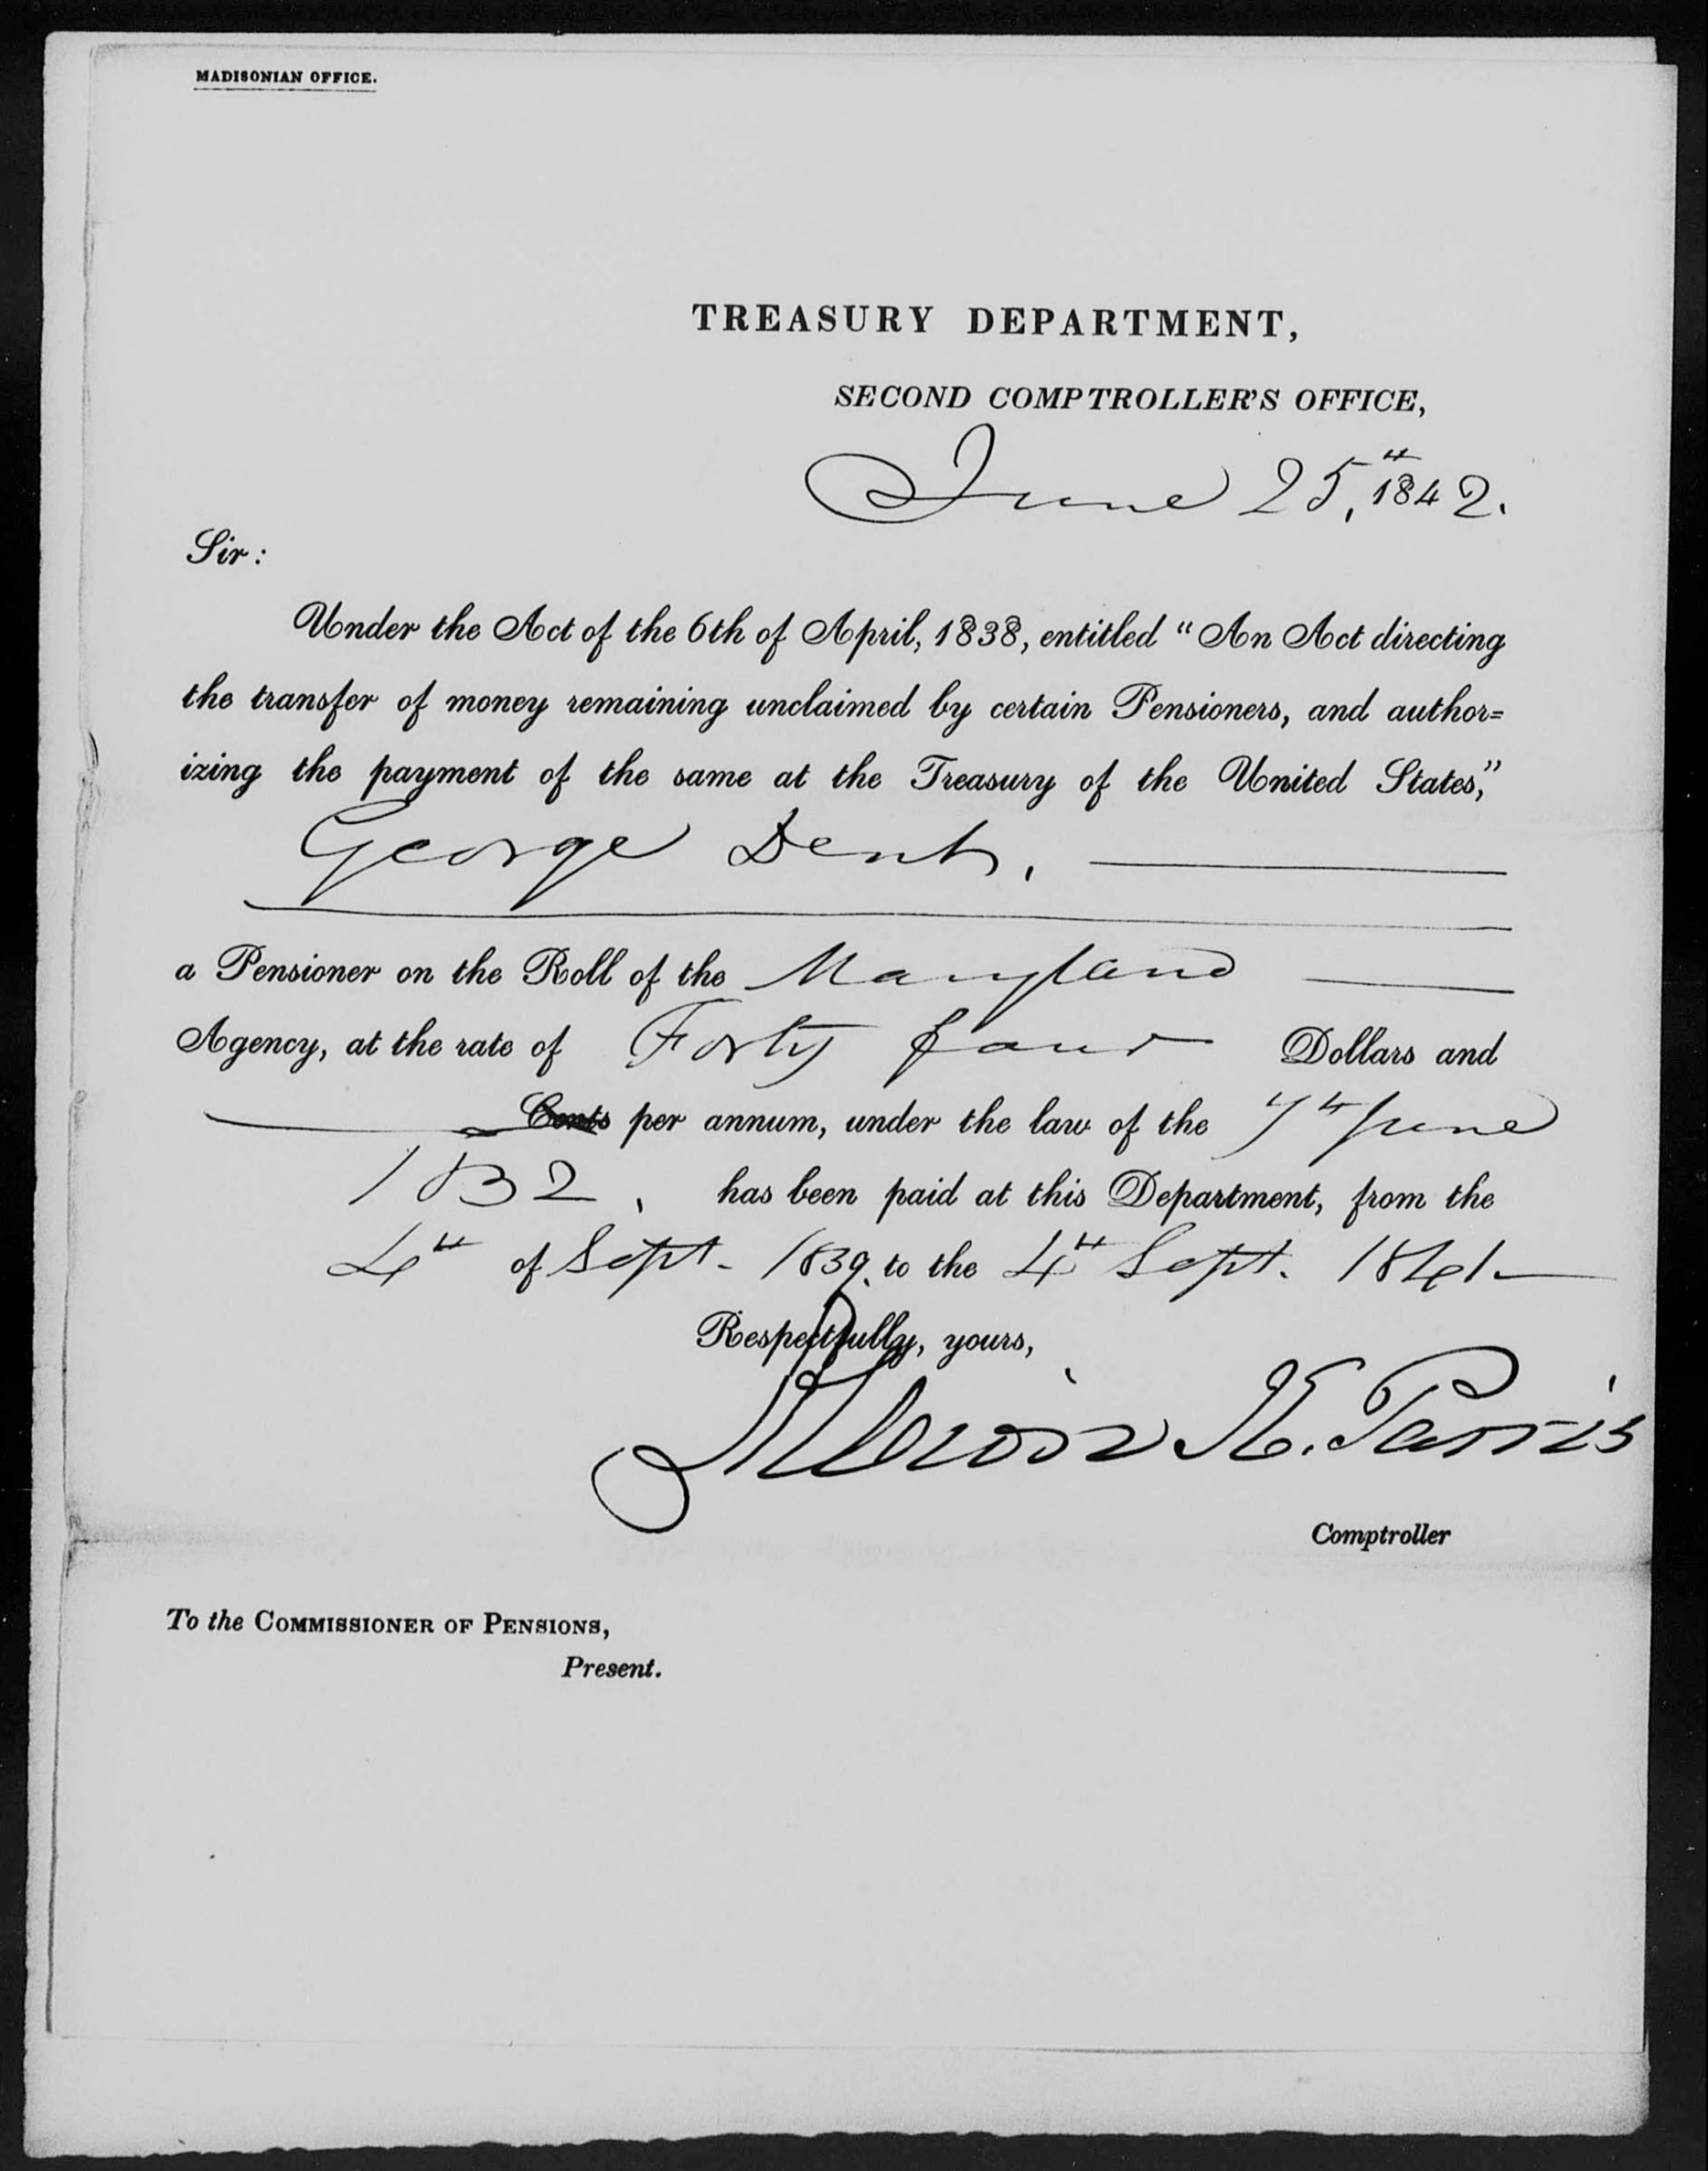Madisonian Office

Treasury Department
Second Comptroller's Office
June 25th, 1842

Sir:

Under the Act of the 6th of April, 1838, entitled "An act directing the transfer of money remaining unclaimed by certain Pensioners, and authorizing the payment of the same at the treasury of the United States," George Dent a pensioner on the Roll of the Maryland Agency at the rate of Forty Four dollars and blank cents per annum under the law of the 7th June 1832 has been paid at this department from the 4th of Sept 1839 to the 4th Sept 1841

Respectfully yours,

Albion K Parris
Comptroller

To the Commissioner of Pensions, 
Present.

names: George Dent, Albion K Parris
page: 39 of 49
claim: survivor's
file: S. 12755, George Dent, Md.